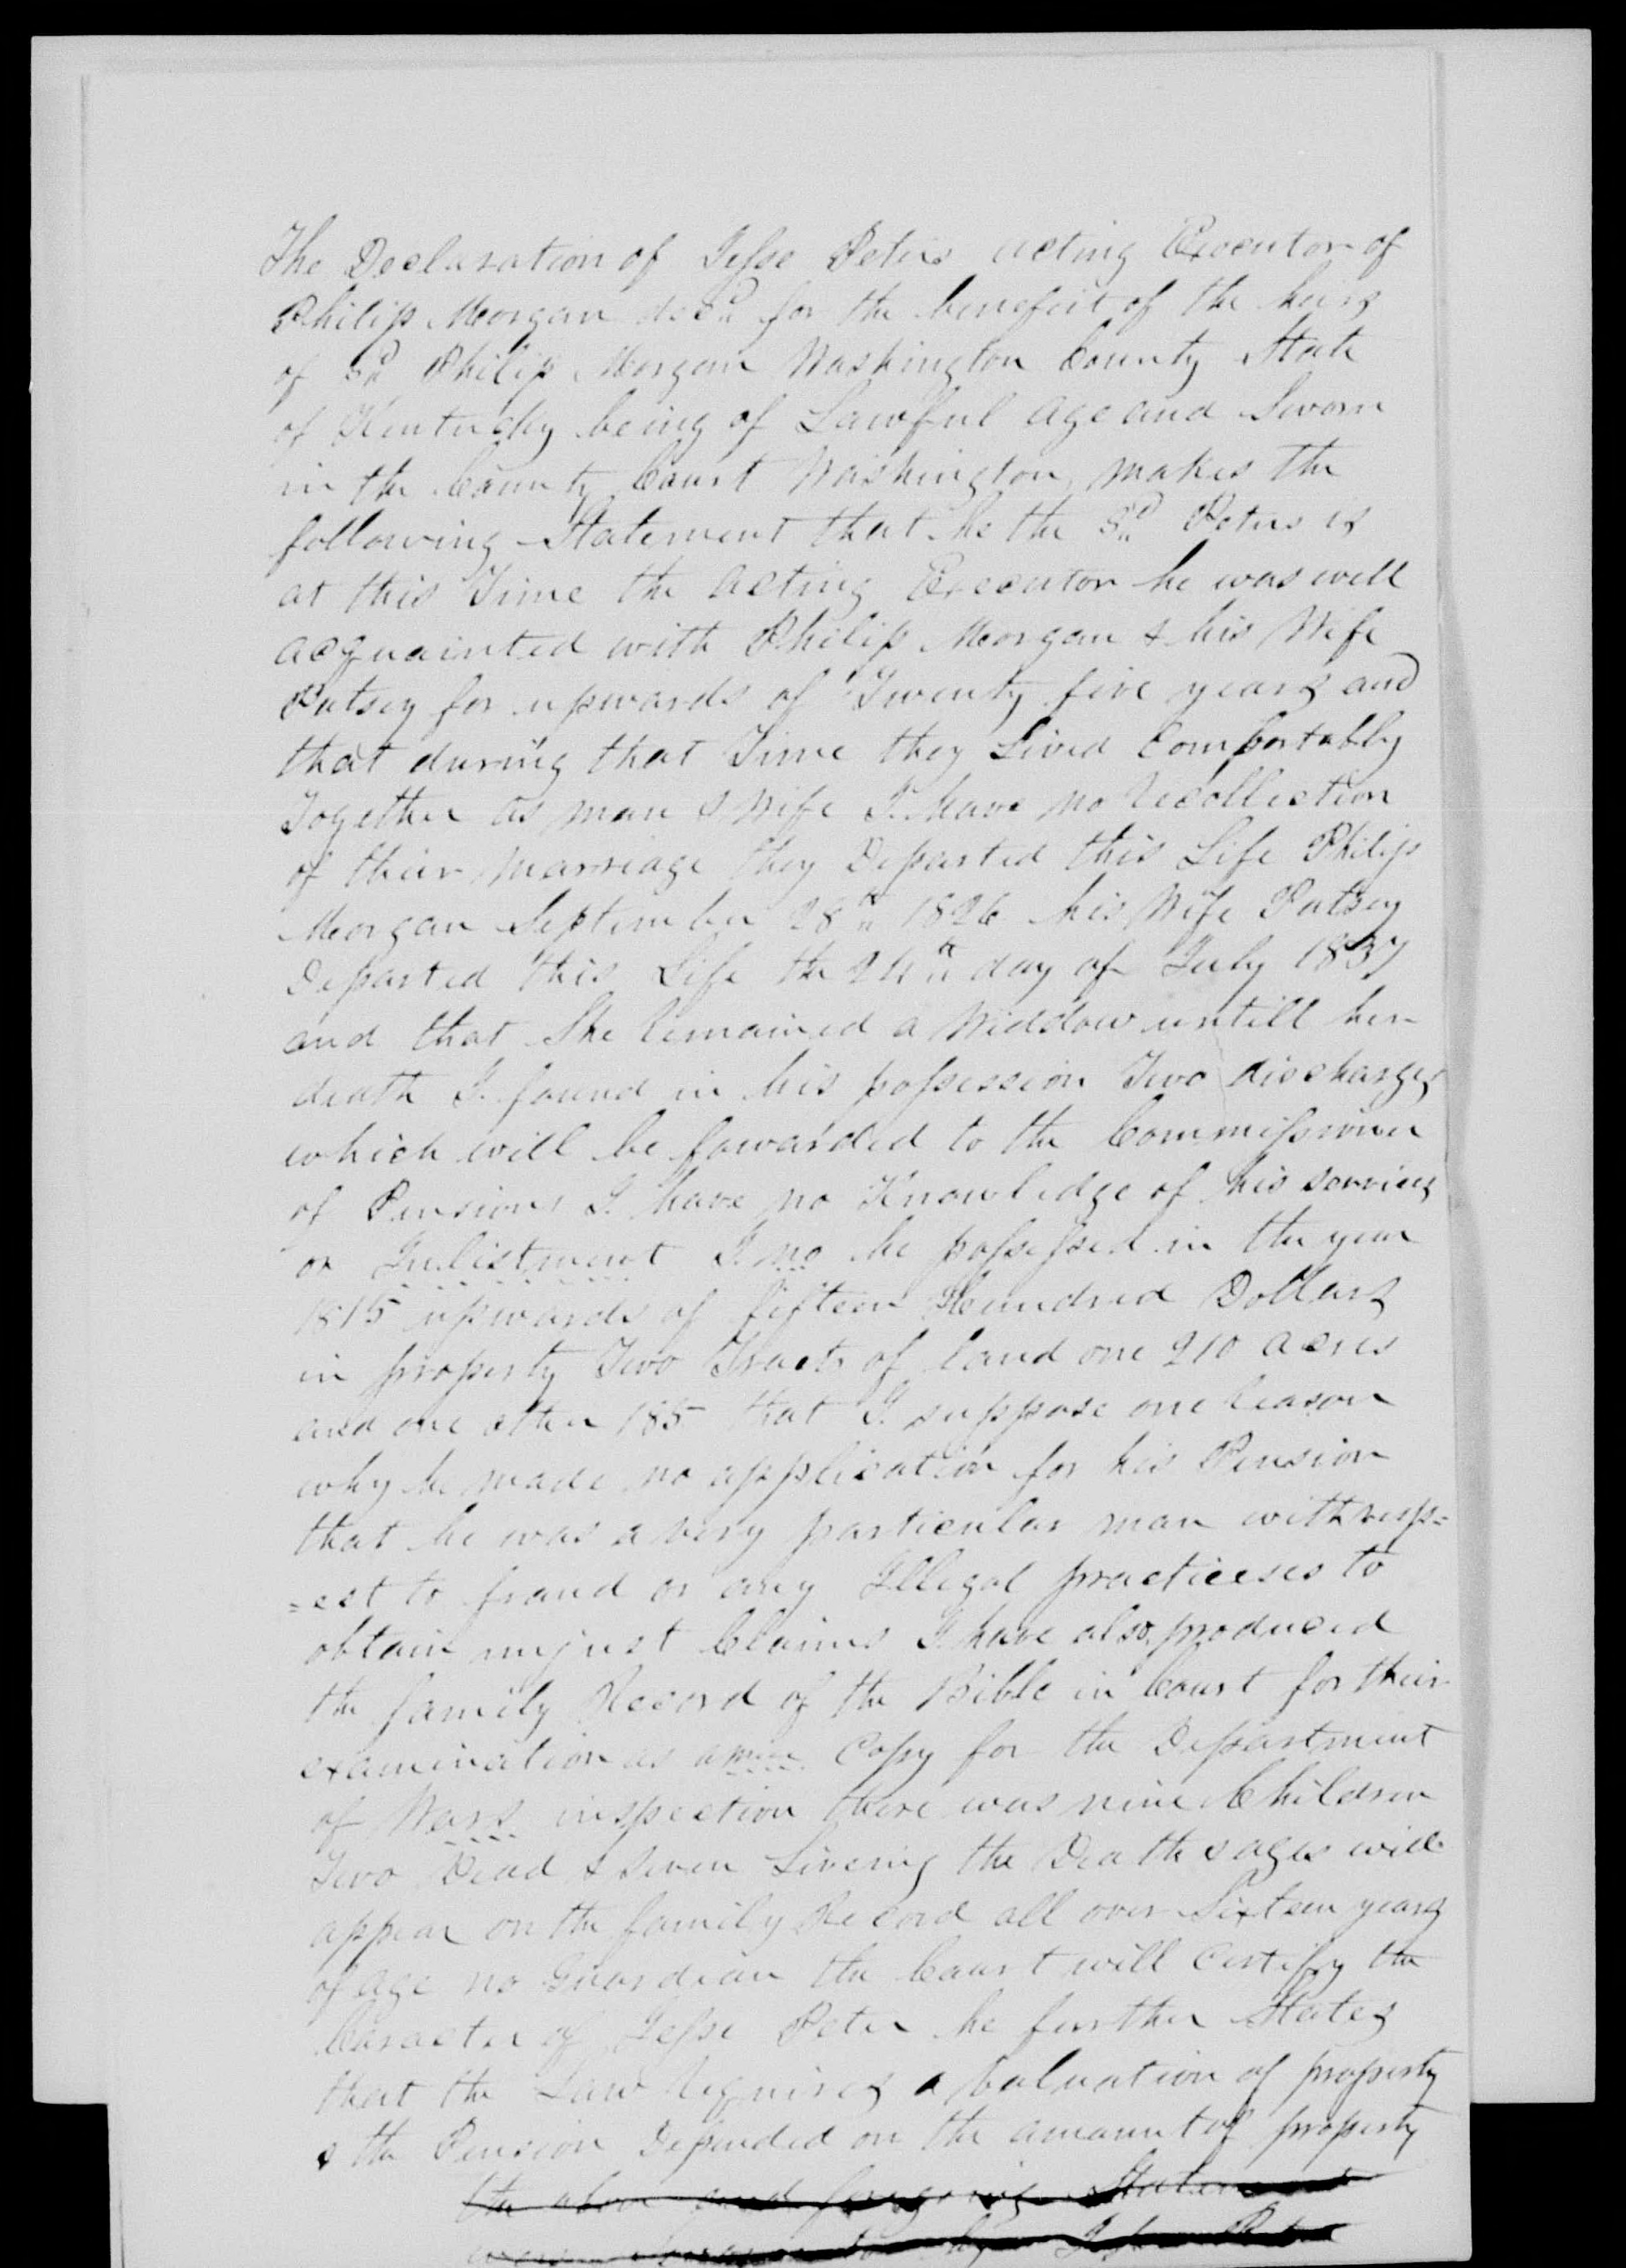The Declaration of Jesse Peters acting Executor of Philip Morgan & for the benefit of the heirs
of S Philip Morgan Washington County State of Kentucky being of Lawful age and Sworn
in the County Court Washington, makes the
following Statement that he the sd Peters is
at this time the acting Executor he was well
acquainted with Philip Morgan & his Wife
Patsey for upwards of Twenty five years and
that during that time they lived Comfortably
Together as man & wife I have no recollection
of their marriage they Departed this Life Philip
Morgan September 28th 1826 his wife Patsey
Departed this life the 24th day of July 1837
and that She remained a widow untill [until] her death I found in his possession Two discharge which will be forwarded to the Commissioner of Pensions I have no knowledge of his services on Inlistment [enlistment] I no [know] he possessed in the year 1815 upwards of fifteen Hundred Dollars in property Two Tract of land one 210 acres and one other 185 that I suppose one reason why he made no application for his Pension that he was very particular man with respect to fraud or any illegal practiceses [practices] to obtain unjust Claims I have also produced the family Record of the Bible in Court for their examination as a [illegible] Copy for the Department of Wars inspection there was nine Children Two Dead & Seven Living the deaths ages will appear on the family record all over Sixteen years of age no Guardian the Court will certify the Character of Jesse Peter he further States that the Law requires a valuation of property the Pension depended on the amount of property [two illegible lines crossed out]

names: Patsey [BLANK]; Philip Morgan; Jesse Peter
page: 3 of 16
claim: rejected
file: R 7386, for Philip Morgan, Georgia